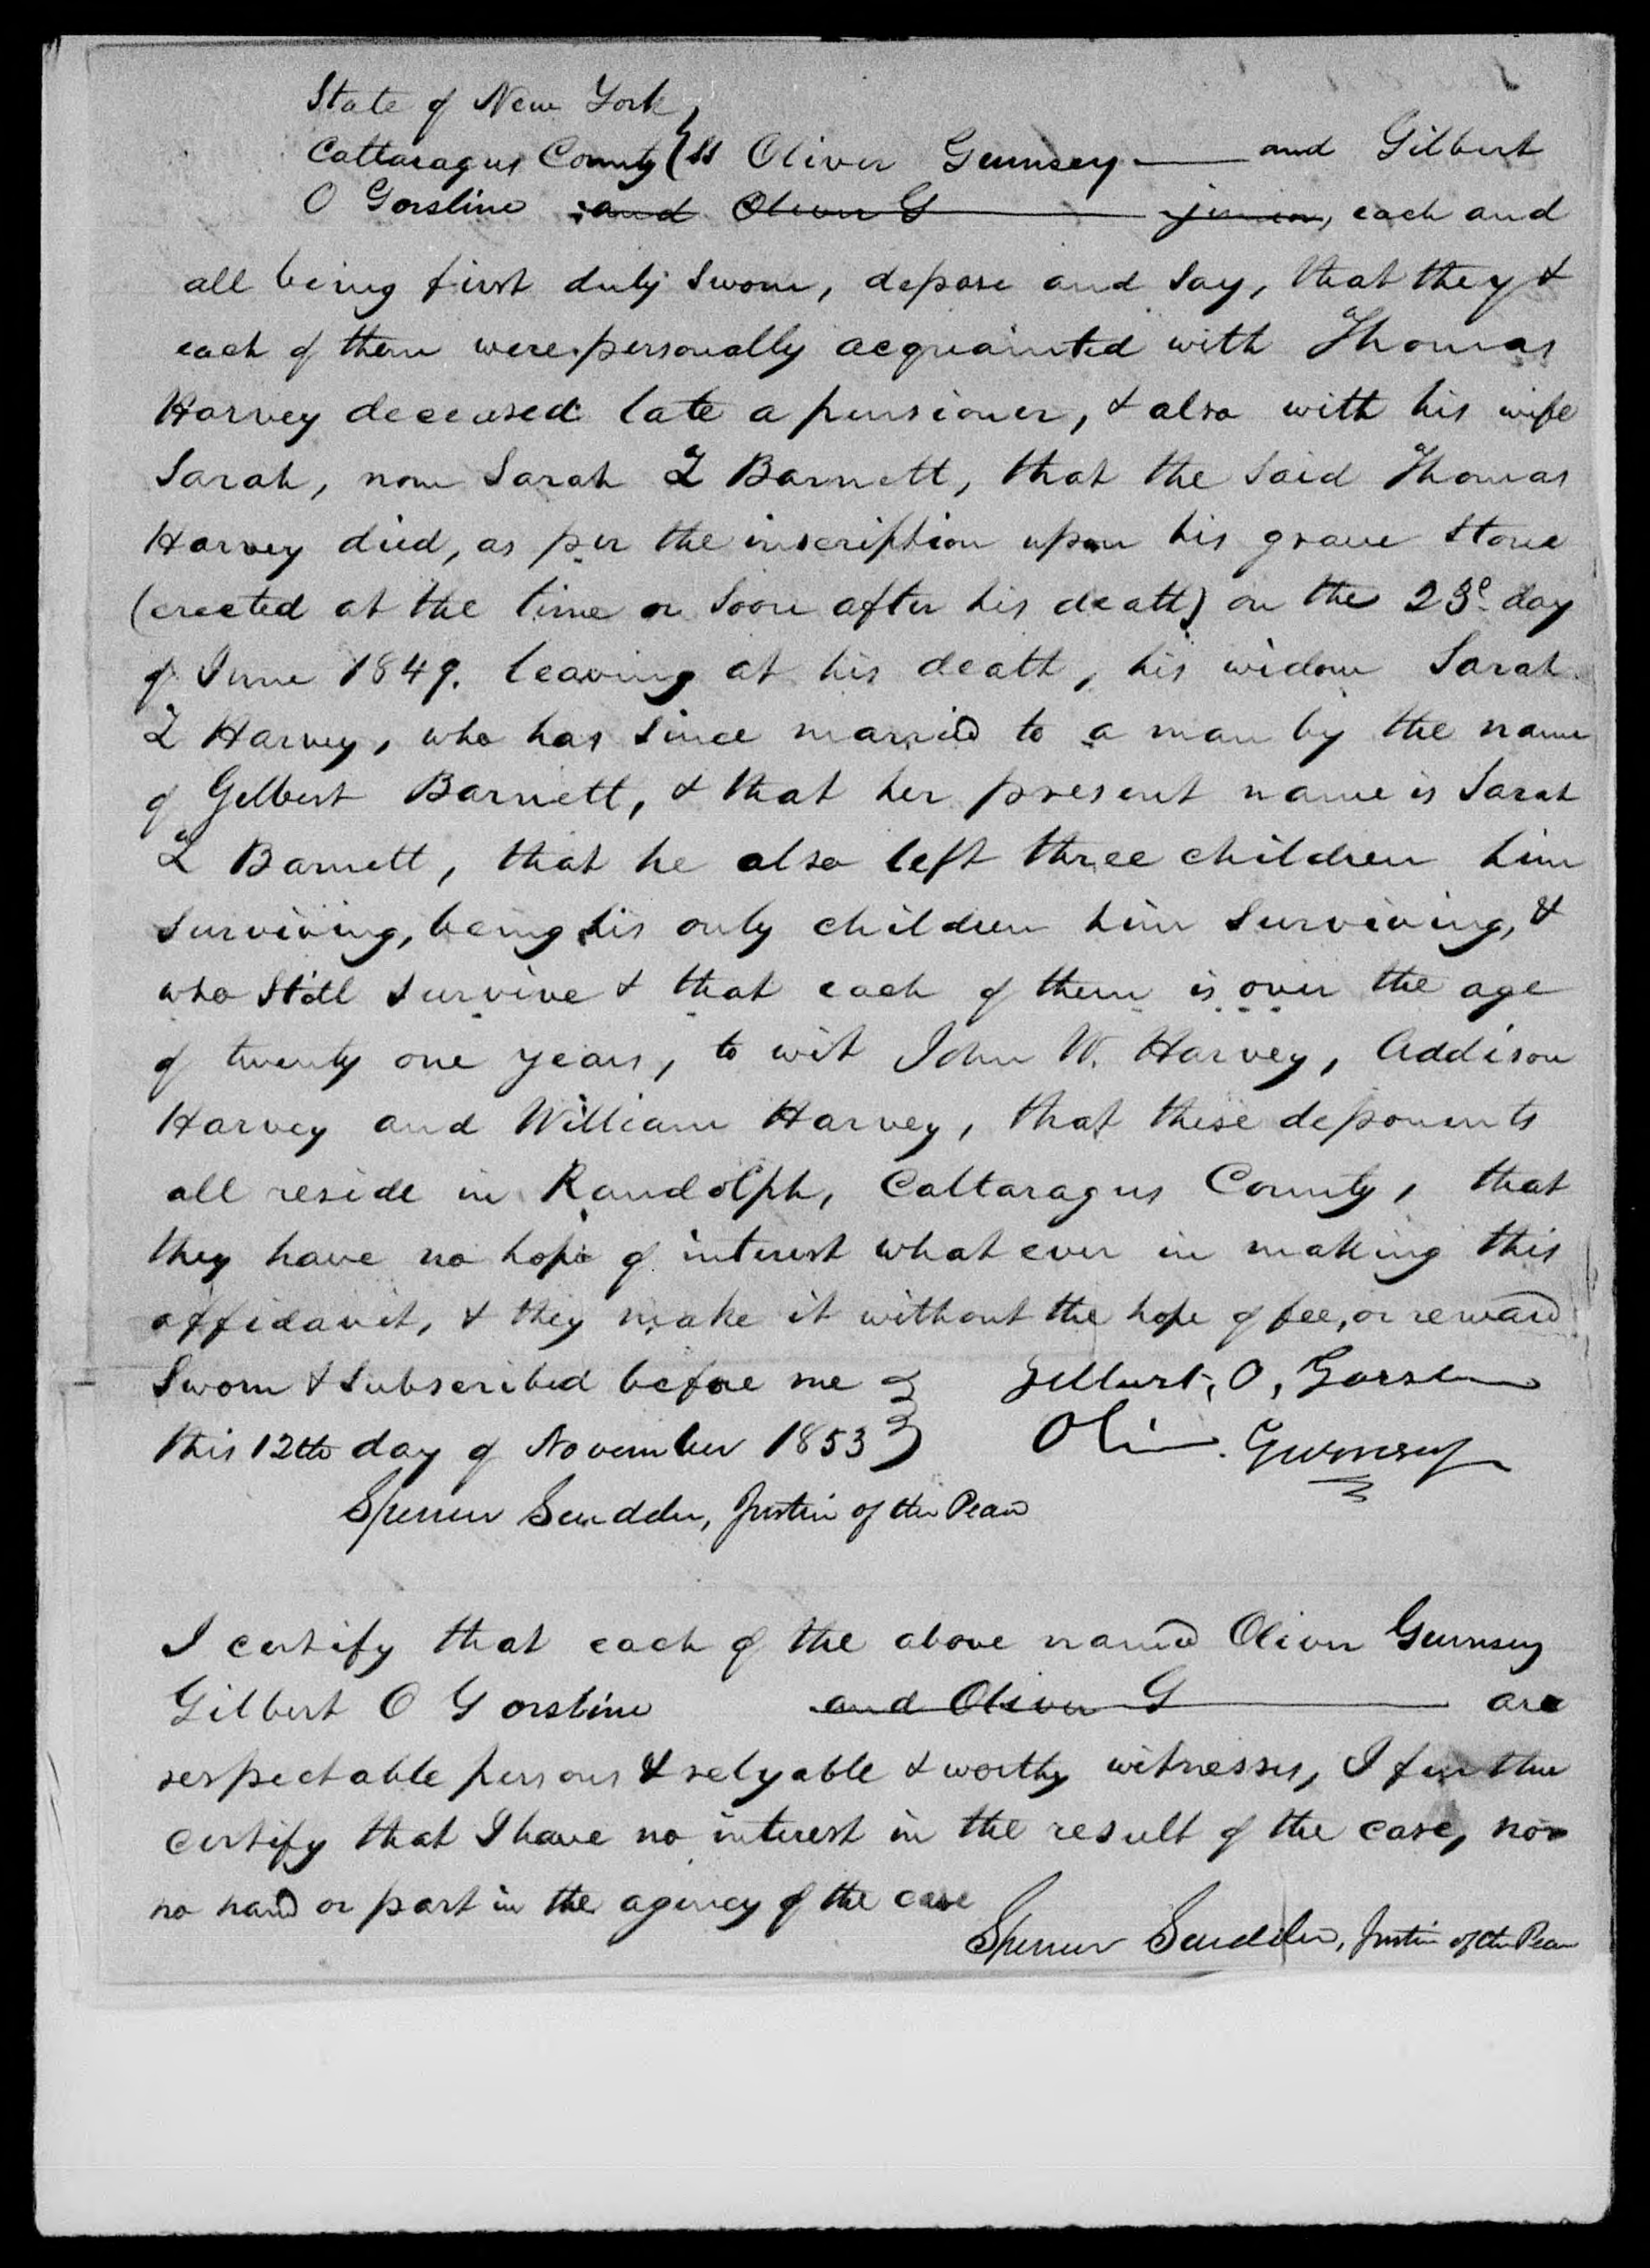State of New York,
Cattaraugus County} ss Oliver Gurnsey and Gilbert O. Gorsline, ['and Oliver G junior' crossed out], each and all being first duly sworn, depose and say, that they & each of them were personally acquainted with Thomas Harvey deceased late a pensioner, & also with his wife Sarah, now Sarah Z. Barnett, that the said Thomas Harvey died, as per the inscription upon his grave stone (erected at the time or soon after his death) on the 23d day of June 1849. leaving at his death, his widow Sarah Z. Harvey, who has since married to a man by the name of Gilbert Barnett, & that her present name is Sarah Z. Barnett, that he also left three children him surviving, being his only children him surviving, & who still survive & that each of them is over the age of twenty one years, to wit John W. Harvey, Addison Harvey and William Harvey, that these deponents all reside in Randolph, Cattaraugus County, that they have no hope of interest whatever in making this affidavit, & they make it without hope of fee, or reward. 
/s/Gilbert O. Gorsline
/s/Oliver Gurnsey
Sworn & subscribed before me this 12th day of November 1853}
/s/Spencer Scudder, Justice of the Peace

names: Gilbert O Gorsline, Gilbert O Gorslin, John W Harvey, Oliver Gurnsey, Thomas Harvey, Oliver Gurnsey, William Harvey, Sarah Z Barnett, Thomas Harvey, Sarah Z Harvey, Sarah Z Barnett, Addison Harvey, Gilbert O Gorsline, Gilbert Barnett, Oliver G, Oliver Gurnsey, Sarah, Oliver G, Spencer Scudder, Spencer Scudder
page: 16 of 80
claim: survivor's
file: S. 18008, Thomas Harvey, N.H.